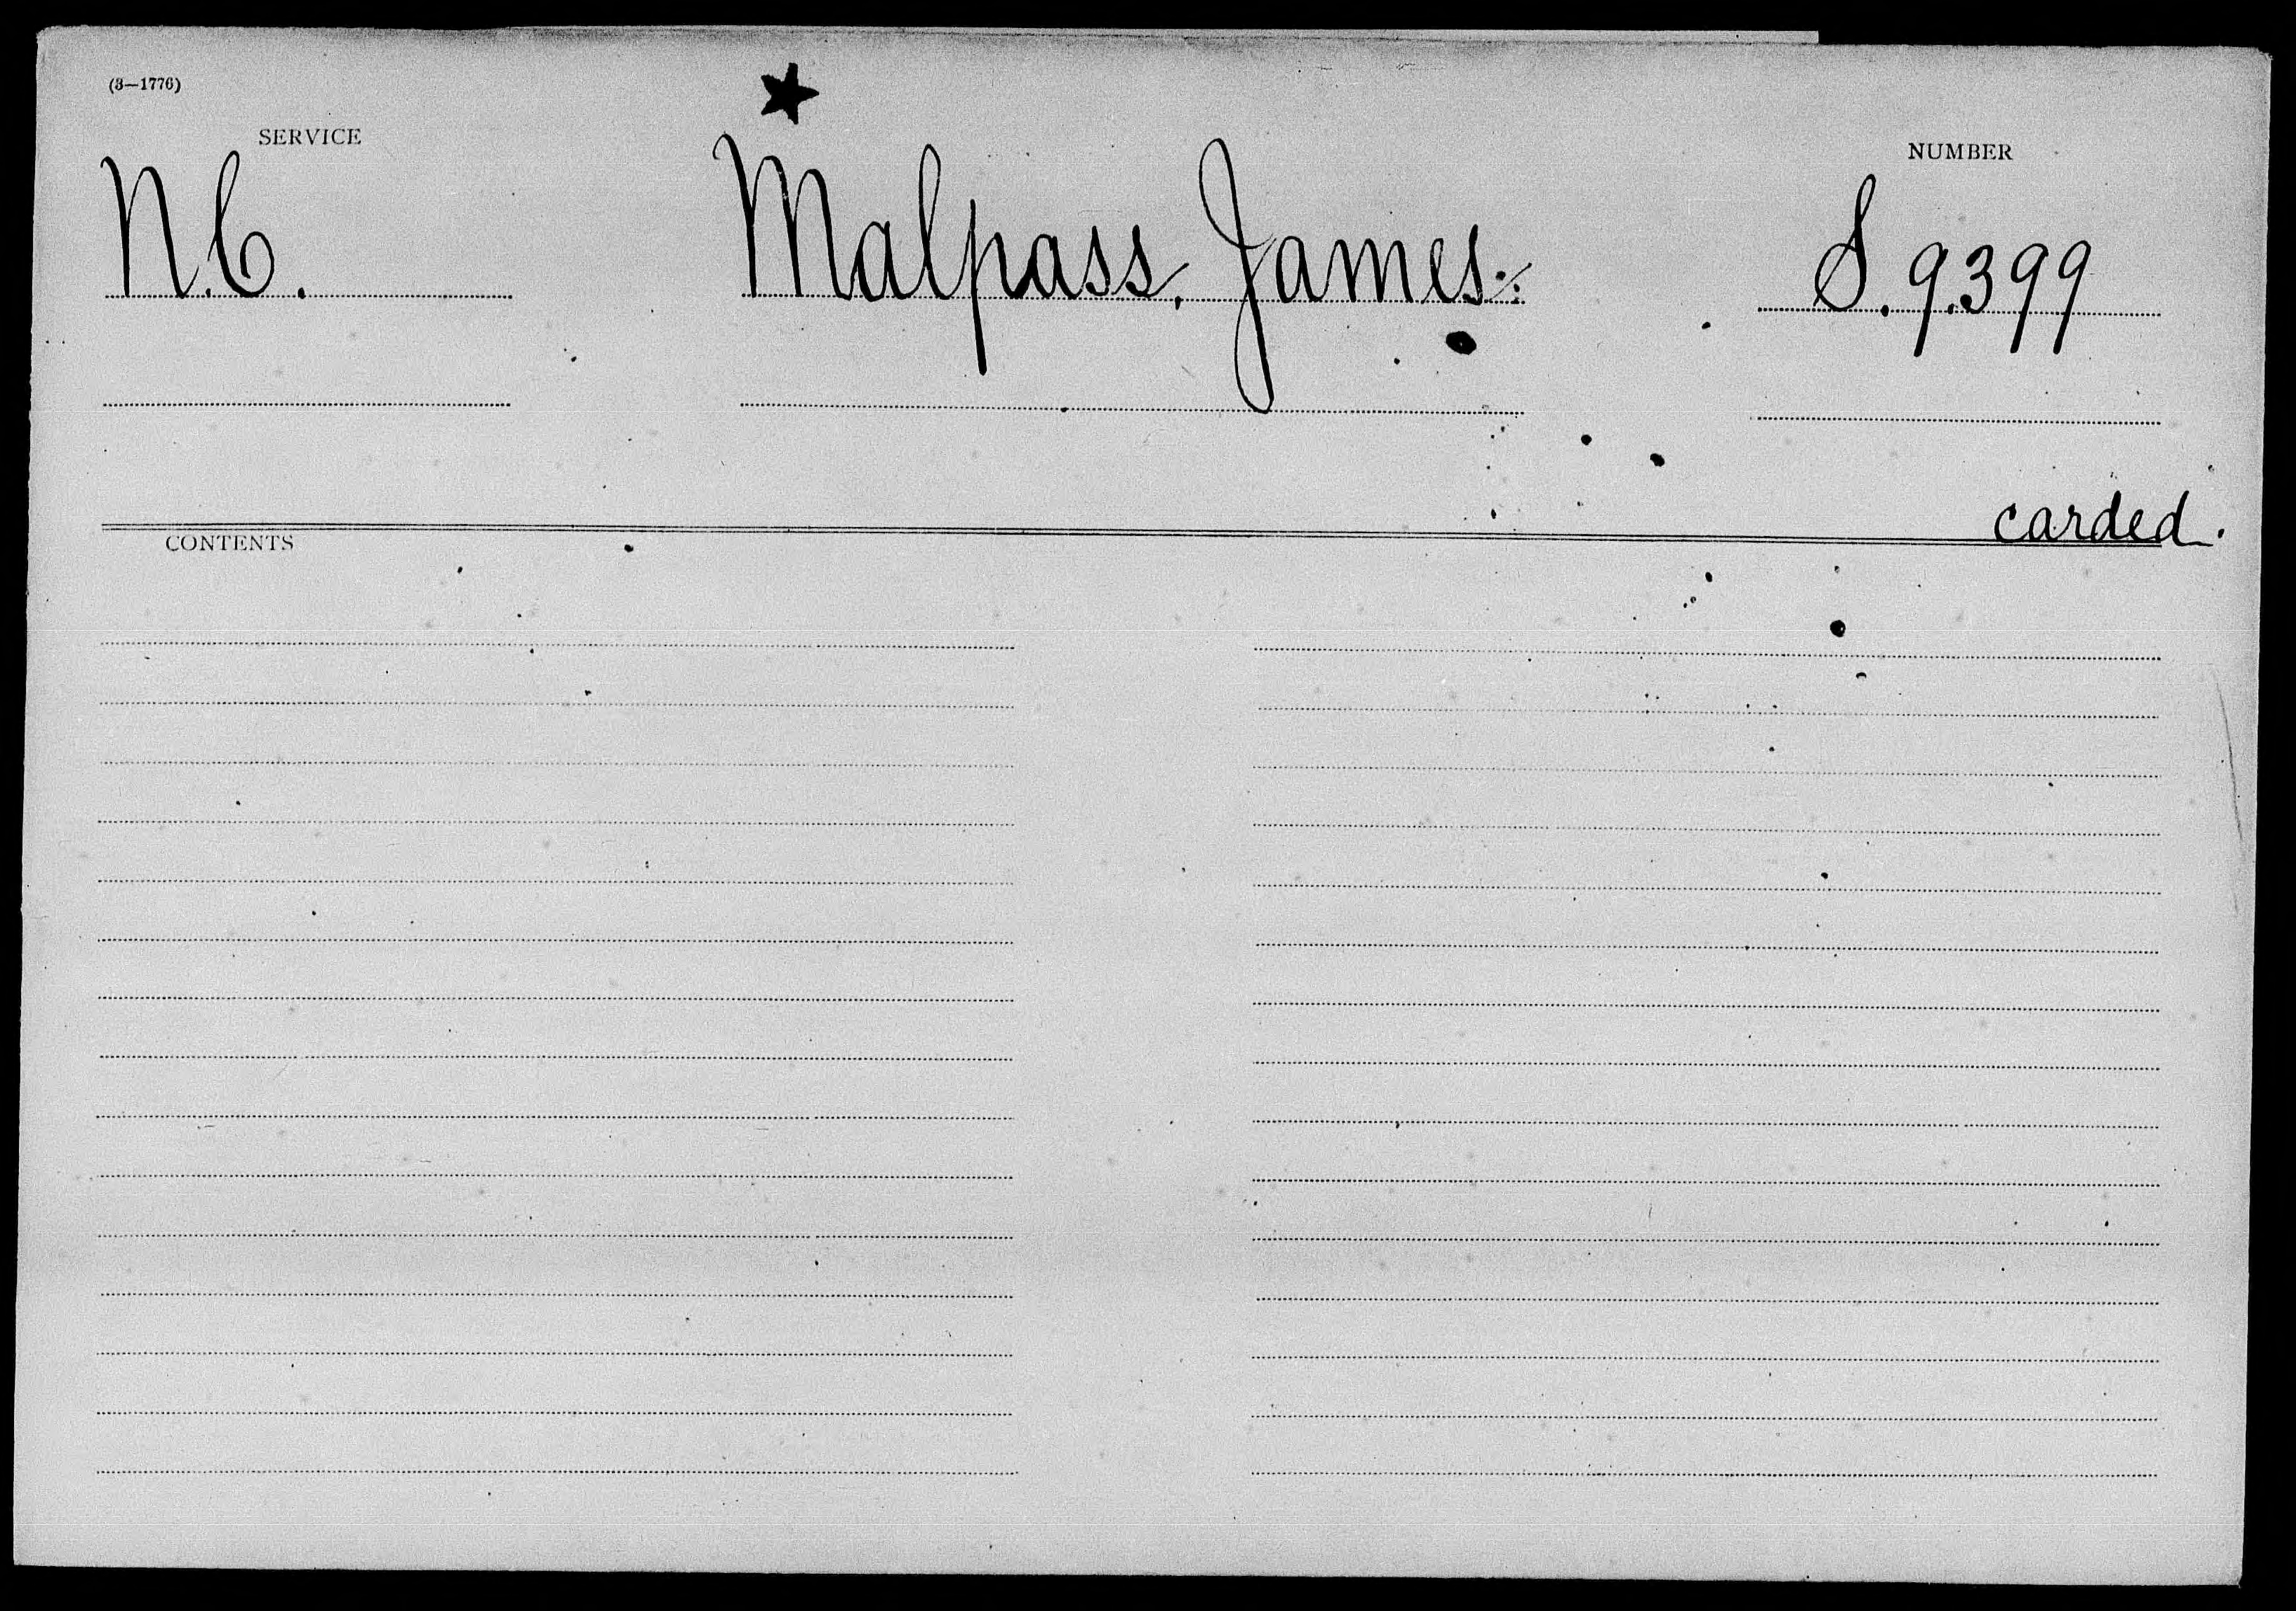(S-1776)
[Star]
N.C.  
Malpass, James
NUMBER S. 9399
carded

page: 1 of 9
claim: survivor's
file: S. 9,399, for James Malpass, North Carolina